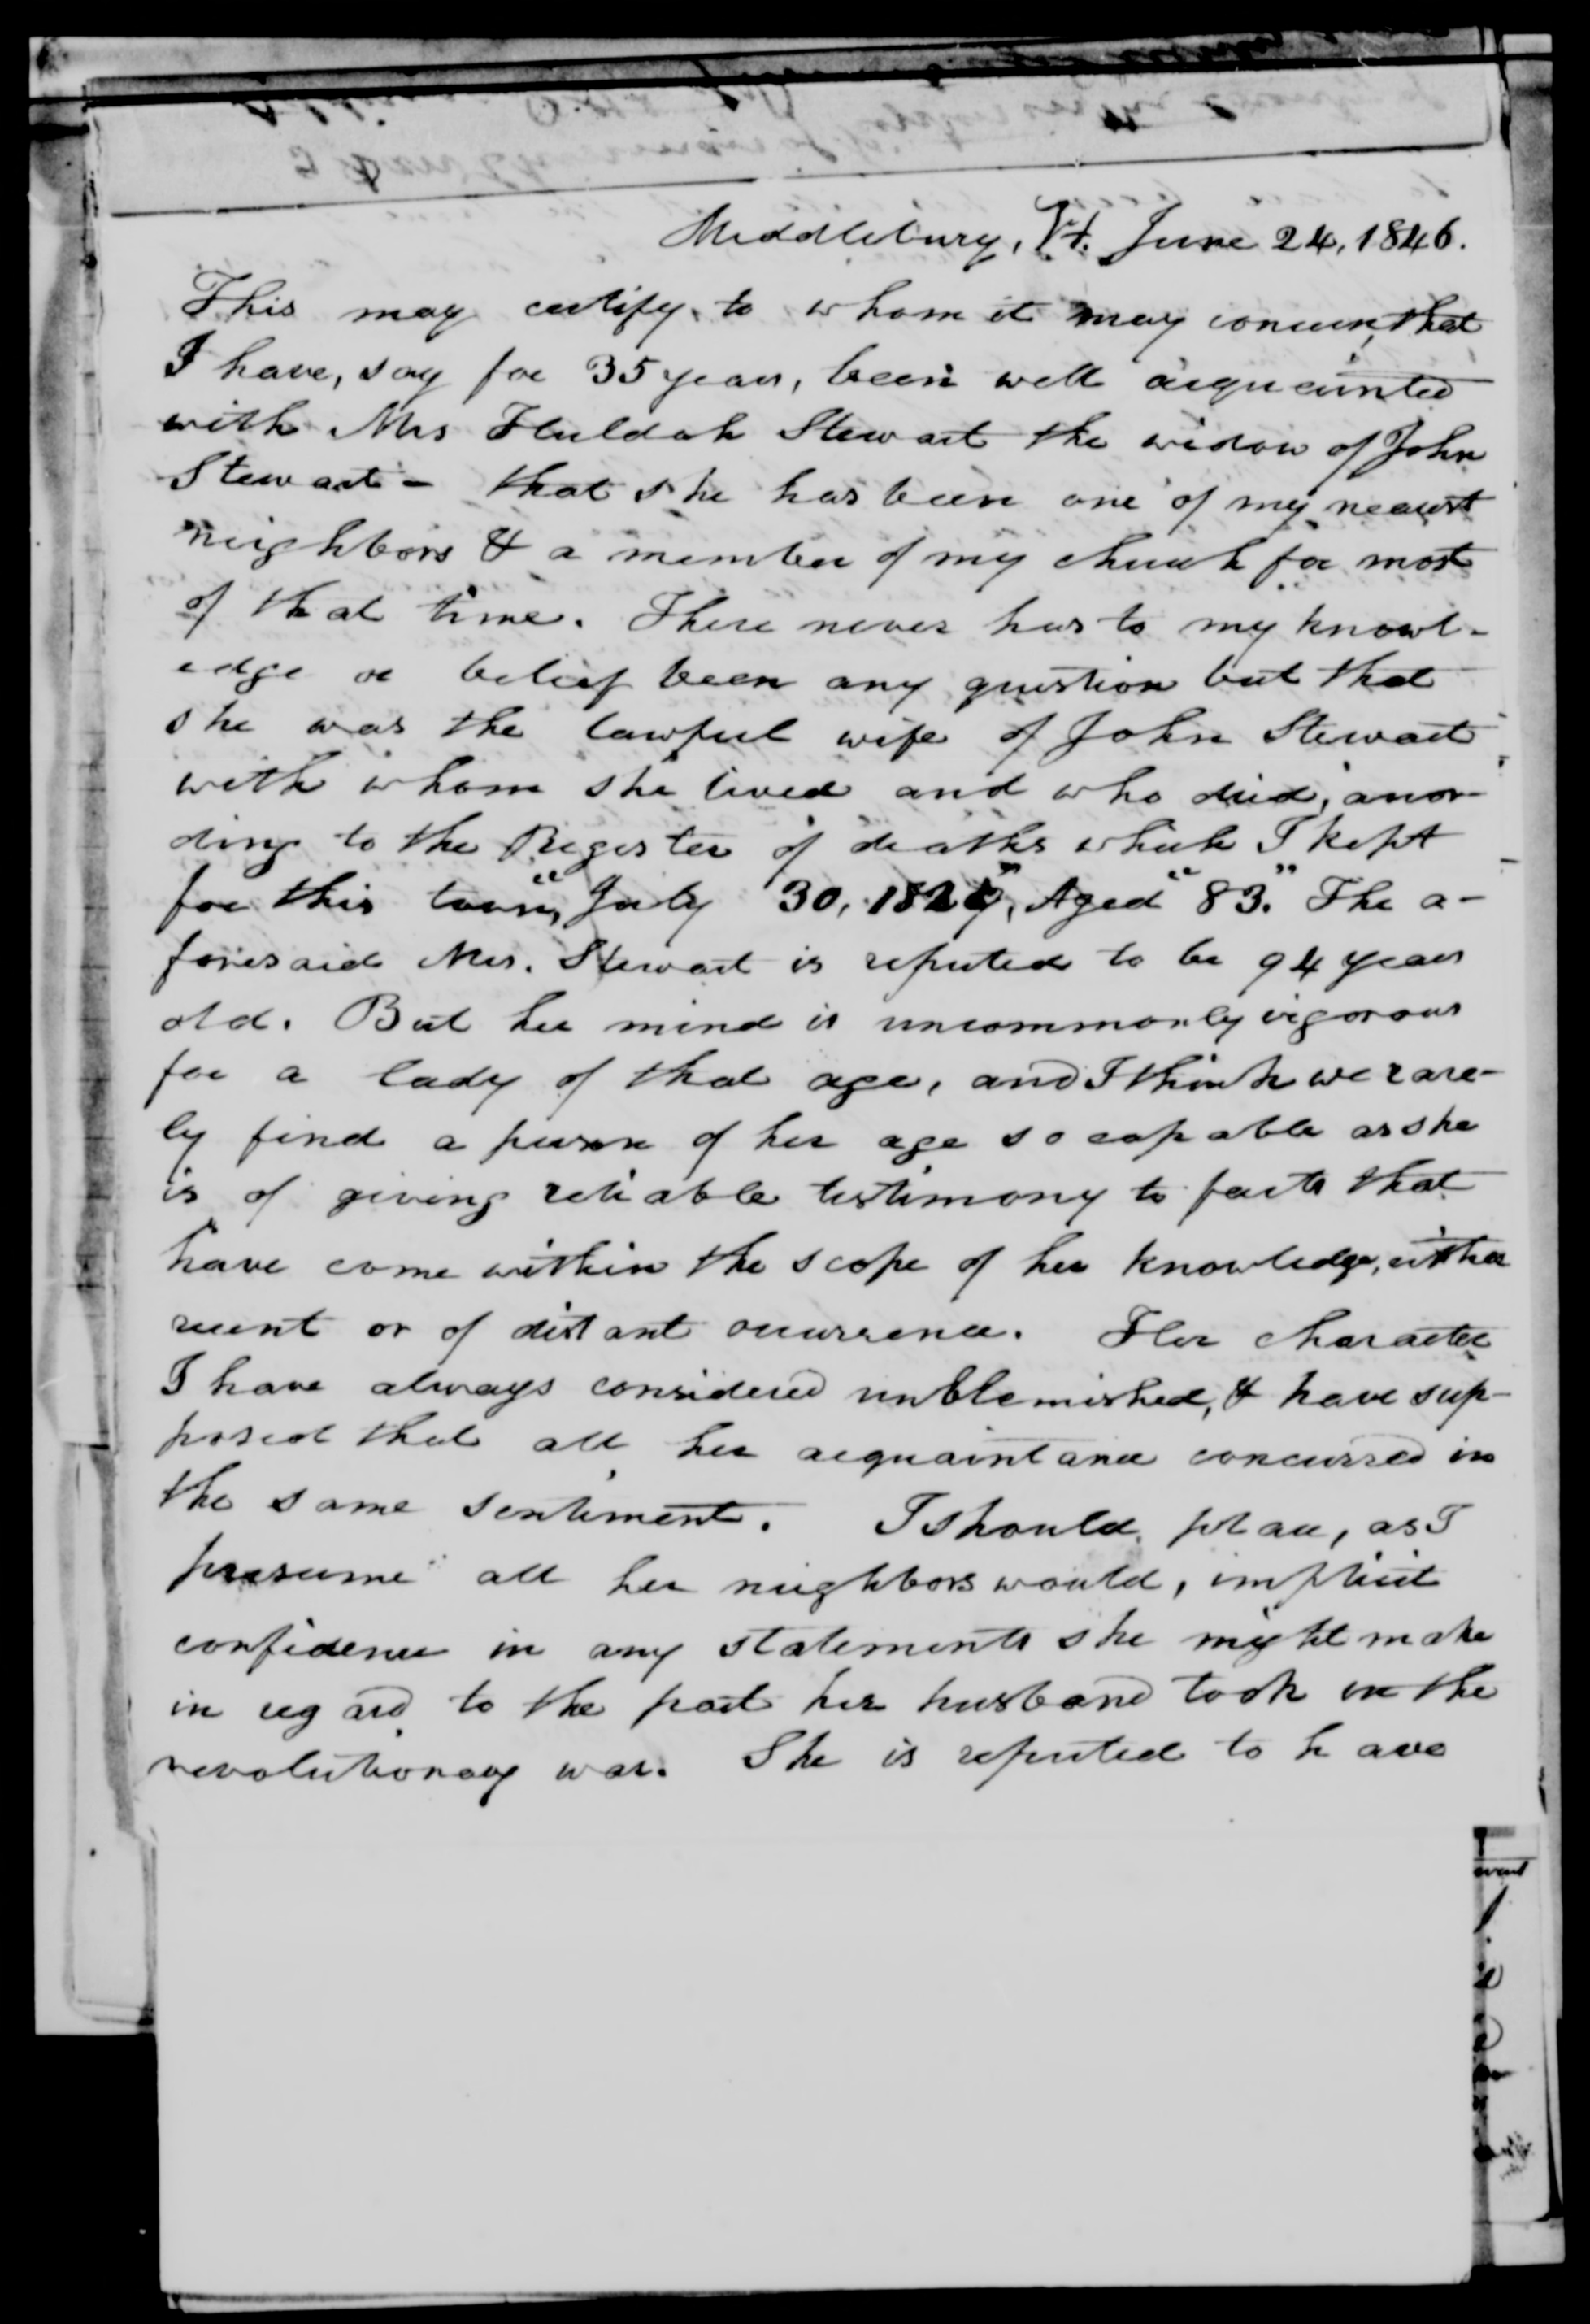Middlebury, Vt. June 24, 1846
This may certify to whom it may concern that
I have, say for 35 years, been well acquainted with
Mrs Huldah Stewart the widow of John
Stewart - that she has been one of my nearest
neighbors & a member of my church for most
of that time. There never has to my knowledge or belief been any question but that
she was the lawful wife of John Stewart
with whom she lived and who died, according to the Register of deaths which I kept
for this town July 30, 1827, Aged 83." The a
foresaid Mrs. Stewart is reputed to be 94 years
old. But her mind is uncommonly vigorous
for a lady of that age, and I think we are
by find a person of her age so capable as she
is of giving reliable testimony to facts that
have come within the scope of her knowledge, either
rent or of distant occurrence. The character
I have always considered unblemished, & have supposed
that all her acquaintance concurred in
the same sentiment. I should place, as I
presume all her neighbors would, implicit
confidence in any statements she might make
in regard to the part her husband took in the
revolutionary war. She is reputed to have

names: Huldah Stewart; John Stewart; John Stewart; [BLANK] Stewart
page: 14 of 26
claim: rejected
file: R. 10,154, for John Stewart, New Hampshire